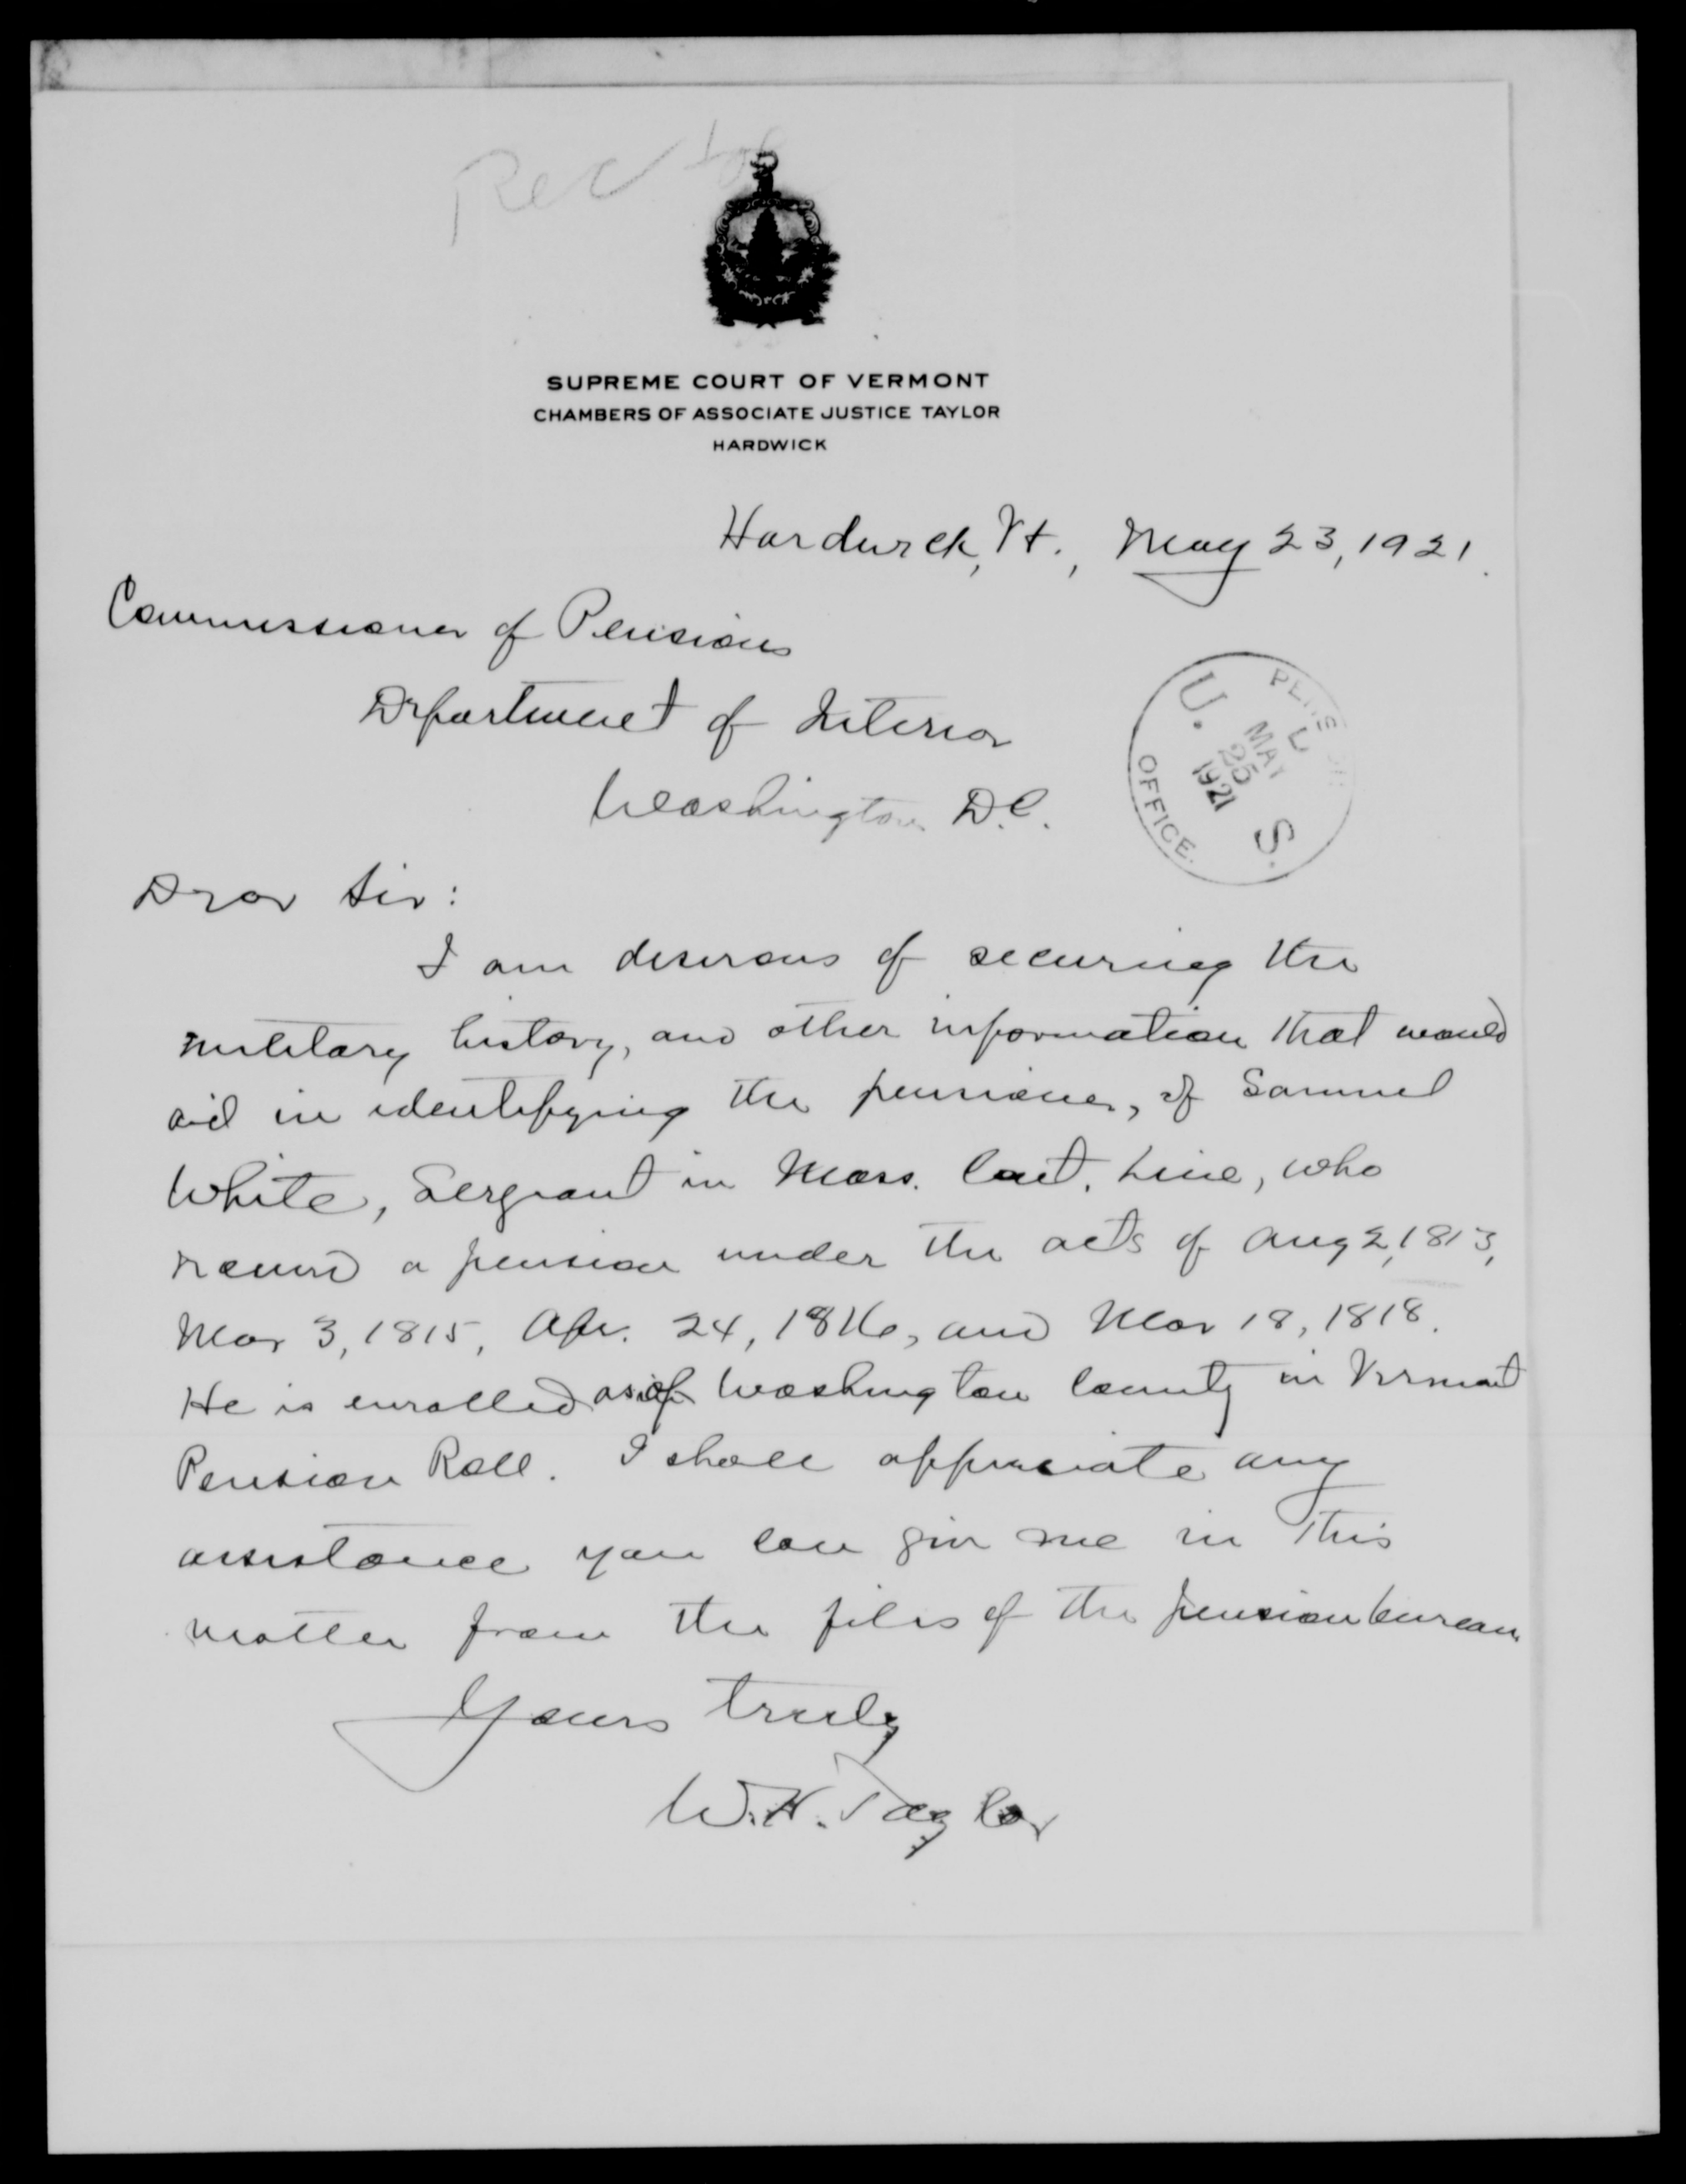Supreme Court of Vermont
Chambers of Associate Justice Taylor
Hardwick

Hardwick Vt., May 23, 1921

Commission of Pensions
Department of Interior
Washington, D. C.  
(stamp-U. S. Pension Office May 25 1921)

Dear sir:
I am desirous of securing the military history, and other information that would aid in identifying the (illegible) of Samuel White, Sergeant in Mass. Cont. line, who received a pension under the acts of Aug 2, 1813, Mar 3, 1815, Apr 24, 1816, and Mar 18, 1818. He is enrolled as Washington County in Vermont Pension Roll. I shall apppreciate any assistance you can give me in the matter from the files of the pension bureau.
Yours truly
W. H. Taylor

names: Samuel White, W H Taylor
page: 32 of 79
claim: survivor's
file: S. 11759, Samuel White, Mass.